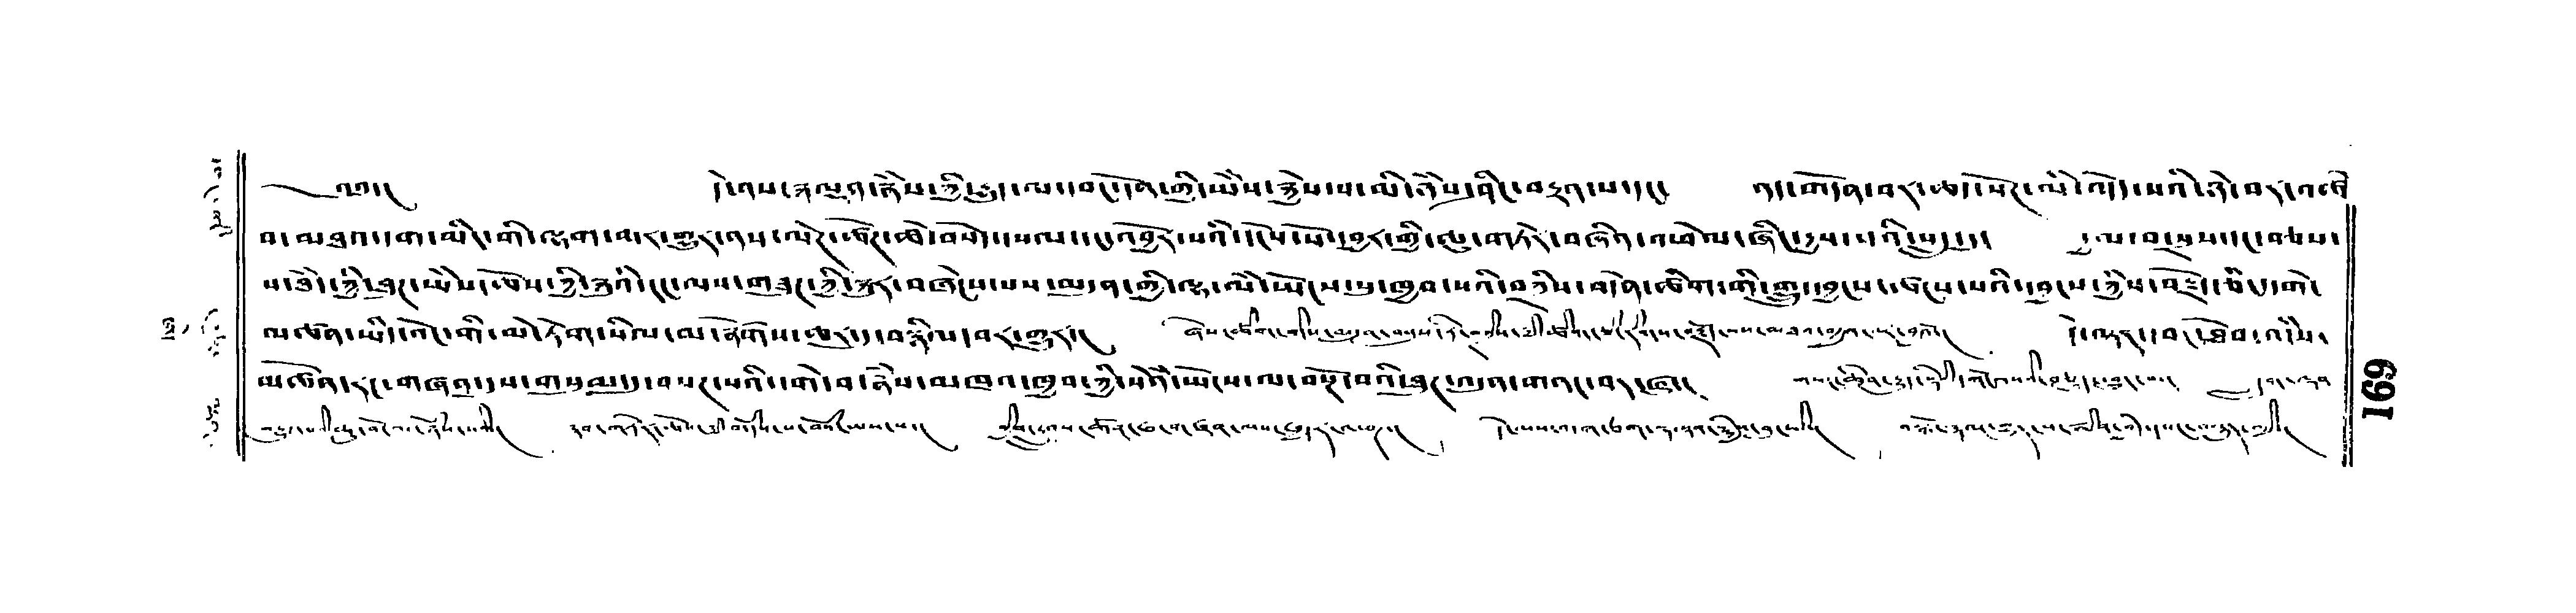དེ་ནས་སྐལ་ལྡན་རྣམས་ཀྱི་རྒྱུད་ལ་དབང་དོན་གྱི་ཡེ་ཤེས་སྐྱེས་པ་མི་ཉམས་ཤིང་བརྟན་པ་དང་། ནད་གདོན་བར་ཆད་སོགས་མི་འདོད་པའི་ཉེ་བར་འཚེ་
བ་མཐའ་དག་མིང་གི་ལྷག་མར་གྱུར་ནས་ལེགས་ཚོགས་ཚེ་བསོད་དཔལ་དང་འབྱོར་པའི་དངོས་པོ་དབྱར་གྱི་ཆུ་གཏེར་བཞིན་འཕེལ་ཞིང་རྒྱས་པའི་སླད་དུ། རྒྱལ་བ་སྲས་དང་བཅས་
པ་ཐམས་ཅད་ཀྱི་ཐུགས་ཡེ་ཤེས་ཆོས་ཀྱི་སྐུའི་ངང་ལས་གཟུགས་ཀྱི་སྐུར་བཞེངས་པས་མདུན་གྱི་ལྷ་ལམ་ཡོངས་སུ་ཁྱབ་པའི་བཀྲ་ཤིས་བདེན་ཚིག་གི་གླུ་དབྱངས་ཚངས་པའི་དབྱངས་ཀྱིས་བརྗོད་ཅིང་དགེ་
མཚན་ཡིད་འོང་གི་མེ་ཏོག་སིལ་མ་སྣ་ཚོགས་ཆར་དུ་བསྙིལ་བར་གྱུར། ཅེས་ཚིག་གིས་མདུན་བསུས་ཏེ་བཀྲ་ཤིས་ཀྱི་ཚིག་ཅི་རིགས་བརྗོད་པས་མཐའ་བརྒྱན་པར་བྱའོ། དེ་ལྟར་དབང་ཐོབ་འདིས་
མཚོན་རང་གཞན་གྱིས་དུས་གསུམ་དུ་བསགས་པའི་དགེ་བ་རྣམས་མཁའ་ཁྱབ་ཀྱི་སེམས་ཅན་ཡོངས་ལ་བསྔོ་བའི་ཐུགས་འདུན་གནང་བར་ཞུ། གསང་ཆེན་རྒྱུད་སྡེའི་དགོངས་པའི་བཅུད་ཕྱུང་བ། །དྲུག་ལྡན་
བརྒྱུད་པའི་ཆུ་བོ་མ་ཉམས་པའི། །ཟབ་གཏེར་ཆོས་ཀྱི་གདམས་པ་བསམ་ཡས་པ། །བྱིན་རླབས་ཚན་ཁ་གཞན་ལས་ཁྱད་པར་འཕགས། །དེ་ལས་བདག་ཅག་སྐལ་ལྡན་སྐྱེས་བུ་ཡི། །བསྒོ་སྐལ་ཀྱུར་པ་སྨིན་བྱེད་དབང་བསྐུར་གྱི།